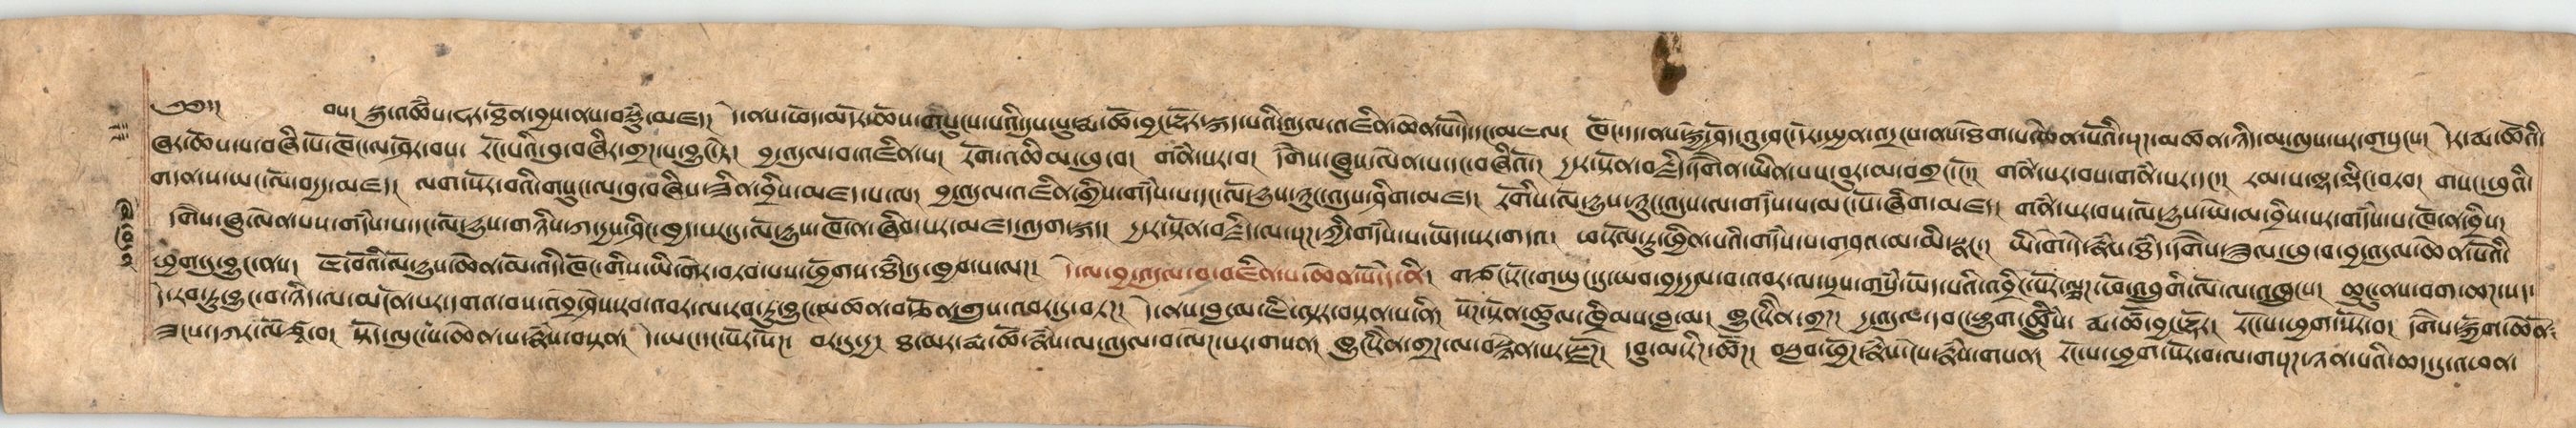༄༅་། བས། སྐུ་འཚཾས་ཧར་ཐོན་བྱས་ནས་བསྡུཾ་མཛད། དེ་ནས་ཕོད་མདོར་ཆོས་གསུངས་པའི་དུསུ་རྨ་ཚོ་བྱང་དྷོར་སྐད་པའི་འདུལ་འཛིན་ཆེན་པོ་དེ་དང་མཇལ། ཁོང་དད་ནས་སྐྱེ་ཤོད་འུ་ཤང་དོར་སྤྱན་འདྲངས་ནས་ཐེག་པ་ཆེན་པོའི་སྔཌ་མཚན་ཉིད་མ་ལུས་པར་གསུངས། དེར་རྨ་ཚོའི་
ཞར་ཆོས་པ་བཞི་པོ་ཁོང་ལ་ཤོར་བས། རོང་པའི་བུ་བཞིར་གྲཌ་པ་བྱུང་ཏེ། བྱ་འདུལ་བ་འཛིན་པ། རོག་འཆིམ་ཕུ་བ། གནཾ་སར་བ། དགཻས་ཞུས་ལེན་པ་དང་བཞིའོ་། དྱ་ར་སྟོན་བརྗིད་དགཻན་ཡིན་པས་བུར་མ་བགྲང་ངོ་། གནཾ་པར་བས་གནཾ་པར་དང་། རམ་པ་ལྷ་ལྡིང་བཏབ། གསང་ཕུའི་
གདན་ས་ཡང་ལོ་བདྱད་མཛད། ལག་སོར་བའི་གསུང་ལ་བུ་བཞིས་ཟིན་བྲིས་མཛད་པ་ལ། བྱ་འདུལ་འཛིན་གྱིས་གདཾས་པ་དང་ལོ་དྱུས་ཉུང་འདུས་ཤིག་མཛད། རོགིས་ལོ་དྱུས་ཉུང་འདུས་ལ་གདཾས་པ་མང་པོ་ཞིག་མཛད། གནཾ་པར་བས་ལོ་དྱུས་ཡེ་མ་བྲིས་པར་གདཾས་པ་ཁོ་ན་བྲིས།
དགཻས་ཞུ་ལེན་པས་གདཾས་པ་དང་ལོ་དྱུས་གཉིས་ཀ་དྱས་ཤིང་ཁྱད་པར་དུ་ལོ་དྱུས་ཁོ་ན་ཞིབ་པར་མཛད་འདུག་སྐད། དྱ་ར་སྟོན་བརྗིད་ལ་སྔཌ་ཀྱི་གདཾས་པ་ཡོད་པར་གདའ། ཕ་རོལ་ཏུ་ཕྱིན་པའི་གདཾས་པ་གཤའ་མ་མི་སྣང་། ཡི་གེ་དེ་རྣཾས་ཐཾད་དགཻས་ཟུལ་ཕུ་བ་བྱ་འདུལ་ཆེན་པོའི་
ཕྱག་དུ་བྱུང་ནས། ཇོ་བོའི་ལོ་དྱུས་ཆེན་མོ་འདི་ཁོང་གིས་ཡི་གེར་བཏབ་པས་ཕྱོགས་སཐཾད་དུ་ཁྱབ་པ་ལཌ། དེ་ལ་བྱ་འདུལ་བ་འཛིན་པ་ཆེན་པོ་དེ་ནི། གཙང་རོང་གཡུང་དུ་ཡབ་བྱ་དྱལ་བ་འབར་ལ་སྲས་གསུཾ་ཡོད་པའི་འབྲིང་པོར་ལྕཌ་ཕོ་འབྲུགི་ལོ་ལ་འཁྲུངས། ཆུང་ངུ་ནས་བག་ཆཌ་སད་
དེ་རབ་ཏུ་བྱུང་བ་ཉིད་ལ་མངོན་པར་དགའ་བས་འབྲེ་ཤེས་རབ་འབར་ལ་རབ་ཏུ་བྱུང་མཚན་བརྩོན་གྲུས་འབར་དུ་བཏཌ། དེ་ནས་བླ་མ་ཇི་ལྟར་བསྟན་པ་ནི། སོཌ་སྟོན་ཚུལ་ཁྲིམས་བླ་མ། ཁྱུང་རིནེ་གྲཌ། དྱ་འདུལ་དབང་ཕྱུག་ཚྲིུཾས། རྨ་ཚོ་བྱང་རྡོར། རོང་པ་ཕྱག་སོར་བ། དགཻས་སྐྱོག་ཆེནོ།
ཟངས་དཀར་ལོ་ཙཱ་བ། སྟོད་ལུང་པ་ཆེན་པ་རྣཾས་བསྟན། དེ་ཡང་དང་པོར་སོཌ་ བར་དུ་དྱ། ཐ་མར་རྨ་ཚོ་རྣཾས་ལ་འདུལ་བ་ལེཌ་པར་གསན། ཁྱུང་རིེན་གྲཌ་ལ་བསྙེན་པར་སྫོཌ། དབུ་མ་རིཌ་ཚོཌ། བསླབ་ཕྱོཌ་རྣཾས་ངེས་རྣཾས་གསན། རོང་པ་ཕྱག་སོར་བ་ལ་གསྔཌ་ཉན་པའི་ཆད་དུ་འཕན་